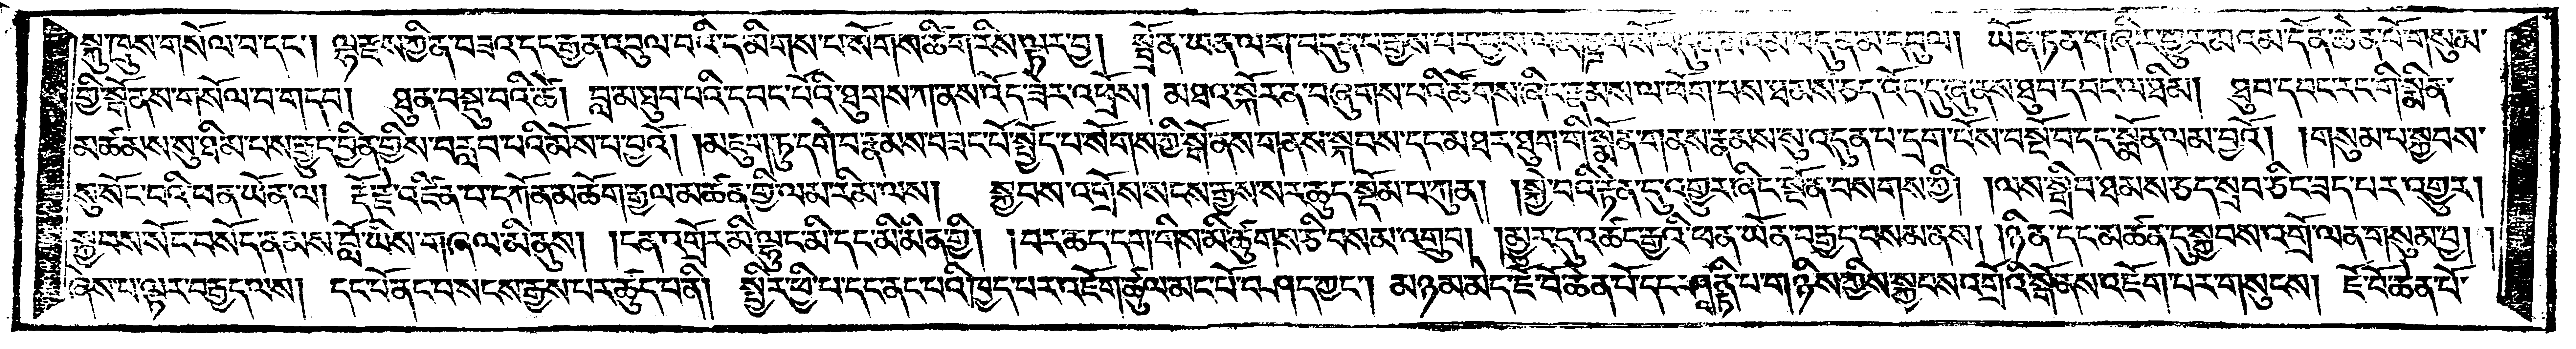སྐུ་ཁྲུས་གསོལ་བ་དང་། ལྷ་རྫས་ཀྱི་ན་བཟའ་དང་རྒྱན་འབུལ་བའི་དམིགས་པ་སོགས་ཚིག་རིས་ལྟར་བྱ། སྤྲོན་ཡན་ལག་བདུན་པ་རྒྱས་པར་བྱས་ལ་མཎྜལ་སོ་བདུན་མའམ་བདུན་མ་དབུལ། ཡོན་ཏན་གཞིར་གྱུར་མའམ་དོན་ཆེན་པོ་གསུམ་
གྱི་སྒོ་ནས་གསོལ་བ་གདབ། ཐུན་བསྡུ་བའི་ཚེ། བླ་མ་ཐུབ་པའི་དབང་པོའི་ཐུགས་ཀ་ནས་འོད་ཟེར་འཕྲོས། མཐའ་སྐོར་ན་བཞུགས་པའི་ཚོགས་ཞིང་རྣམས་ལ་ཕོག་པས་ཐམས་ཅད་འོད་དུ་ཞུ་ནས་ཐུབ་དབང་ལ་ཐིམ། ཐུབ་དབང་རང་གི་སྨིན་
མཚམས་སུ་ཐིམ་པས་རྒྱུད་བྱིན་གྱིས་བརླབ་བའི་མོས་པ་བྱའོ། །མཇུག་ཏུ་དགེ་བ་རྣམས་བཟང་པོ་སྤྱོད་པ་སོགས་ཀྱི་སྒོ་ནས་གནས་སྐབས་དང་མཐར་ཐུག་གི་སྨོན་གནས་རྣམས་སུ་འདུན་པ་དྲག་པོས་བསྔོ་བ་དང་སྨོན་ལམ་བྱའོ། །གསུམ་པ་སྐྱབས་
སུ་སོང་བའི་ཕན་ཡོན་ལ། རྡོ་རྗེ་འཛིན་པ་དཀོན་མཆོག་རྒྱལ་མཚན་གྱི་ལམ་རིམ་ལས། སྐྱབས་འགྲོས་སངས་རྒྱས་སར་ཆུད་སྡོམ་པ་ཀུན། །སྐྱེ་བའི་རྟེན་དུ་འགྱུར་ཞིང་སྔོན་བསགས་ཀྱི། །ལས་སྒྲིབ་ཐམས་ཅད་སྲ་བཅིང་ཟད་པར་འགྱུར།
སྐྱབས་སོང་བསོད་ནམས་བློ་ཡིས་གཞལ་མི་ནུས། །ངན་འགྲོར་མི་ལྷུང་མི་དང་མི་མིན་གྱི། །བར་ཆད་དག་གིས་མི་ཚུགས་ཅི་བསམ་འགྲུབ། །མྱུར་དུ་འཚང་རྒྱའི་ཕན་ཡོན་བརྒྱད་བསམ་ནས། །ཉིན་དང་མཚན་དུ་སྐྱབས་འགྲོ་ལན་གསུམ་བྱ། །
ཞེས་པ་ལྟར་བརྒྱད་ལས། དང་པོ་ནང་པ་སངས་རྒྱས་པར་ཚུད་པ་ནི། སྤྱིར་ཕྱི་པ་དང་ནང་བའི་ཁྱད་པར་འཇོག་ཚུལ་མང་པོ་བཤད་ཀྱང་། མཉམ་མེད་ཇོ་བོ་ཆེན་པོ་དང་ཤཱནྟི་པ་གཉིས་ཀྱིས་སྐྱབས་འགྲོའི་སྒོ་ནས་འཇོག་པར་གསུངས། ཇོ་བོ་ཆེན་པོ་